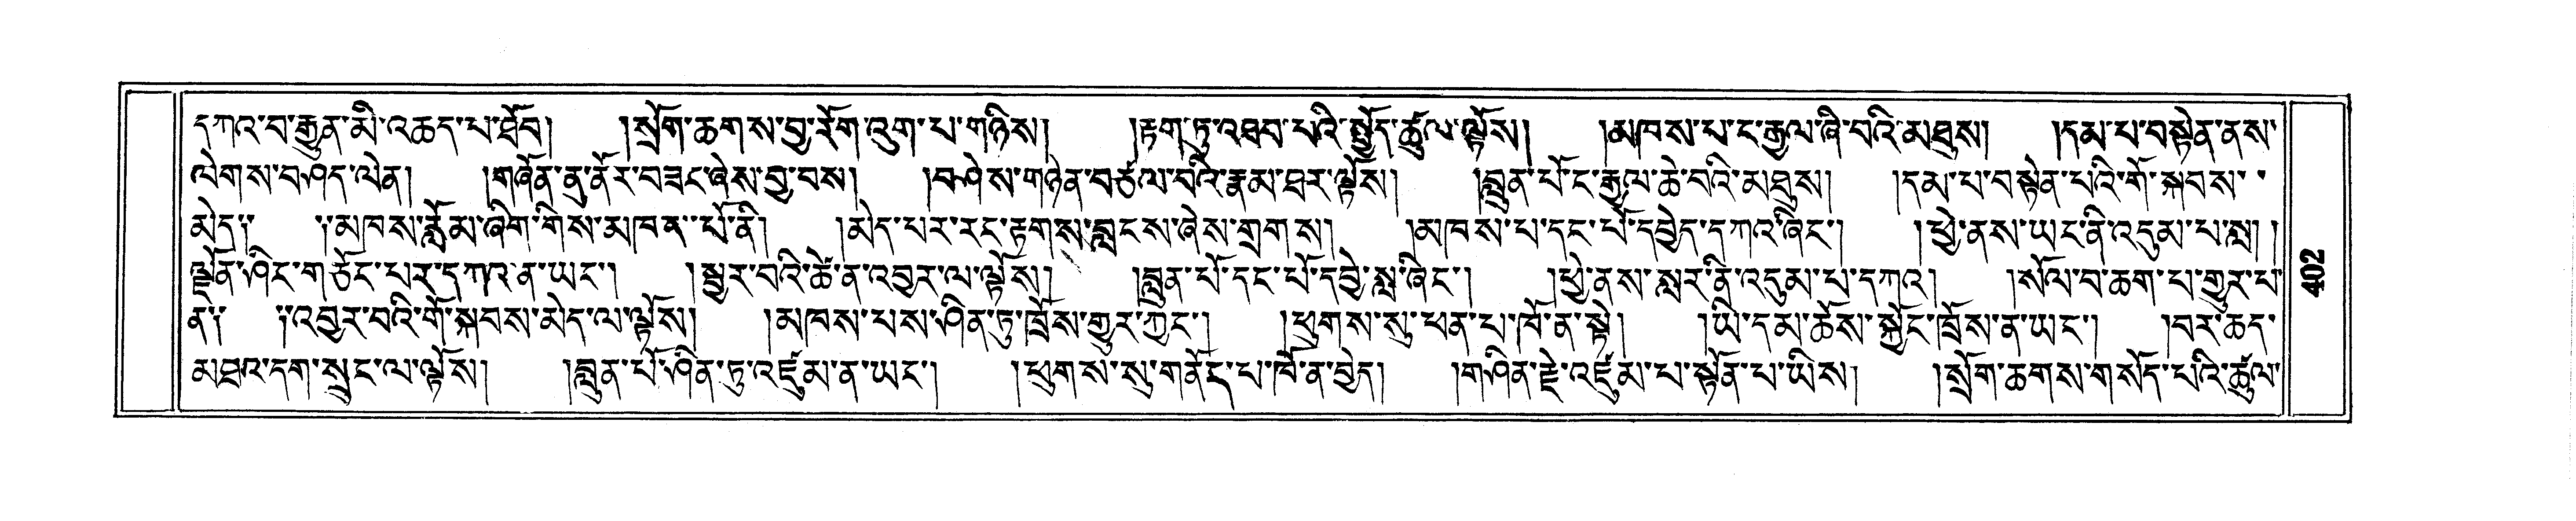དཀའ་བ་རྒྱུན་མི་འཆད་པ་ཐོབ། །སྲོག་ཆགས་བྱ་རོག་འུག་པ་གཉིས། །རྟག་ཏུ་འཐབ་པའི་སྤྱོད་ཚུལ་ལྟོས། །མཁས་པ་ང་རྒྱལ་ཞི་བའི་མཐུས། །དམ་པ་བསྟེན་ནས་
ལེགས་བཤད་ལེན། །གཞོན་ནུ་ནོར་བཟང་ཞེས་བྱ་བས། །བཤེས་གཉེན་བཙལ་བའི་རྣམ་ཐར་ལྟོས། །བླུན་པོ་ང་རྒྱལ་ཆེ་བའི་མཐུས། །དམ་པ་བསྟེན་པའི་གོ་སྐབས་
མེད༑ ༑མཁས་རློམ་ཞིག་གིས་མཁན་པོ་ནི། །མེད་པར་རང་རྟགས་བླངས་ཞེས་གྲགས། །མཁས་པ་དང་པོ་དབྱེད་དཀའ་ཞིང་། །ཕྱེ་ནས་ཡང་ནི་འདུམ་པ་སླ།།
ལྗོན་ཤིང་གཅོང་པར་དཀའ་ན་ཡང་། །སྦྱར་བའི་ཚེ་ན་འབྱར་ལ་ལྟོས། །བླུན་པོ་དང་པོ་དབྱེ་སླ་ཞིང་། །ཕྱེ་ནས་སླར་ནི་འདུམ་པ་དཀའ། །སོལ་བ་ཆག་པ་གྱུར་པ་
ན༑ ༑འབྱར་བའི་གོ་སྐབས་མེད་ལ་ལྟོས། །མཁས་པས་ཤིན་ཏུ་ཁྲོས་གྱུར་ཀྱང་། །ཕུགས་སུ་ཕན་པ་ཁོ་ན་སྟེ། །ཡི་དམ་ཆོས་སྐྱོང་ཁྲོས་ན་ཡང་། །བར་ཆད་
མཐའ་དག་སྲུང་ལ་ལྟོས། །བློན་པོ་ཤིན་ཏུ་འཛུམ་ན་ཡང་། །ཕུགས་སུ་གནོད་པ་ཁོ་ན་བྱེད། །གཤིན་རྗེ་འཛུམ་པ་སྟོན་པ་ཡིས། །སྲོག་ཆགས་གསོད་པའི་ཚུལ་